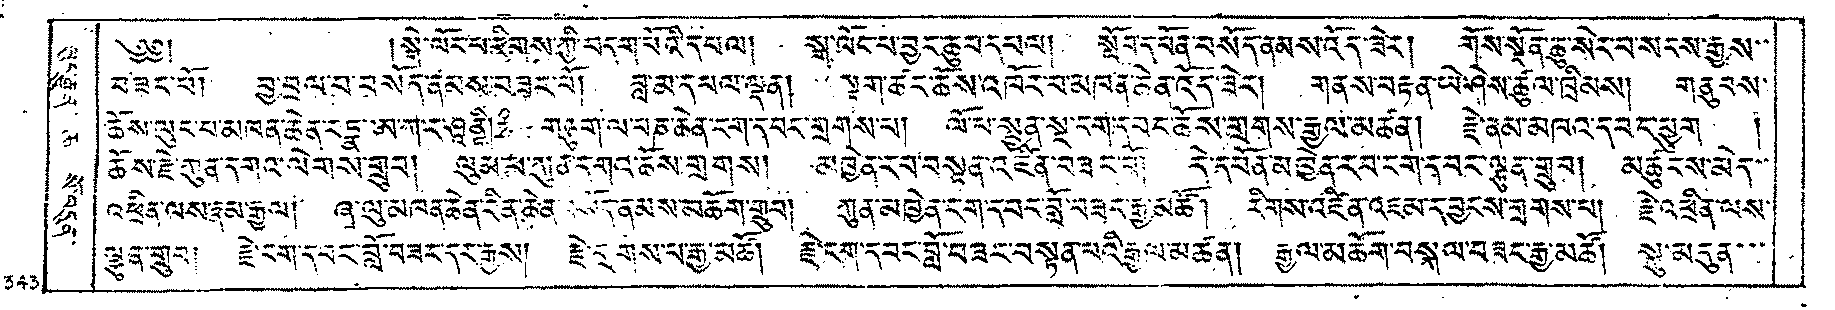༄༅། །སྒེ་ལོང་པ་རིགས་ཀྱི་བདག་པོའི་དཔལ། སྒ་ལོང་པ་བྱང་ཆུབ་དཔལ། སློབ་དཔོན་བསོད་ནམས་འོད་ཟེར། གོས་སྔོན་ཆུ་སེར་བ་སངས་རྒྱས་
བཟང་པོ། བྱ་བྲལ་བ་བསོད་ནམས་བཟང་པོ། བླ་མ་དཔལ་ལྡན། སྟག་ཚང་ཆོས་འཁོར་བ་མཁན་ཆེན་འོད་ཟེར། གནས་བརྟན་ཡེ་ཤེས་ཚུལ་ཁྲིམས། གནུབས་
ཆོས་ལུང་པ་མཁན་ཆེན་རཏྣ་ཨ་ཀ་ར་ཤཱནྟི། གཉུག་ལ་པཎ་ཆེན་ངག་དབང་གྲགས་པ། ལོ་པ་སྤྱན་སྔ་ངག་དབང་ཆོས་གྲགས་རྒྱལ་མཚན། རྗེ་ནམ་མཁའ་དབང་ཕྱུག །
ཆོས་རྗེ་ཀུན་དགའ་ལེགས་གྲུབ། ལུམ་པ་ཀུན་དགའ་ཆོས་གྲགས། མཁྱེན་རབ་བསྟན་འཛིན་བཟང་པོ། དེ་དཔོན་མཁྱེན་རབ་ངག་དབང་ལྷུན་གྲུབ། མཚུངས་མེད་
འཕྲིན་ལས་རྣམ་རྒྱལ། ཞྭ་ལུ་མཁན་ཆེན་རིན་ཆེན་བསོད་ནམས་མཆོག་གྲུབ། ཀུན་མཁྱེན་ངག་དབང་བློ་བཟང་རྒྱ་མཚོ། རིགས་འཛིན་འཇམ་དབྱངས་གྲགས་པ། རྗེ་འཕྲིན་ལས་
ལྷུན་གྲུབ། རྗེ་ངག་དབང་བློ་བཟང་དར་རྒྱས། རྗེ་གྲགས་པ་རྒྱ་མཚོ། རྗེ་ངག་དབང་བློ་བཟང་བསྟན་པའི་རྒྱལ་མཚན། རྒྱལ་མཆོག་བསྐལ་བཟང་རྒྱ་མཚོ། སྐུ་མདུན་